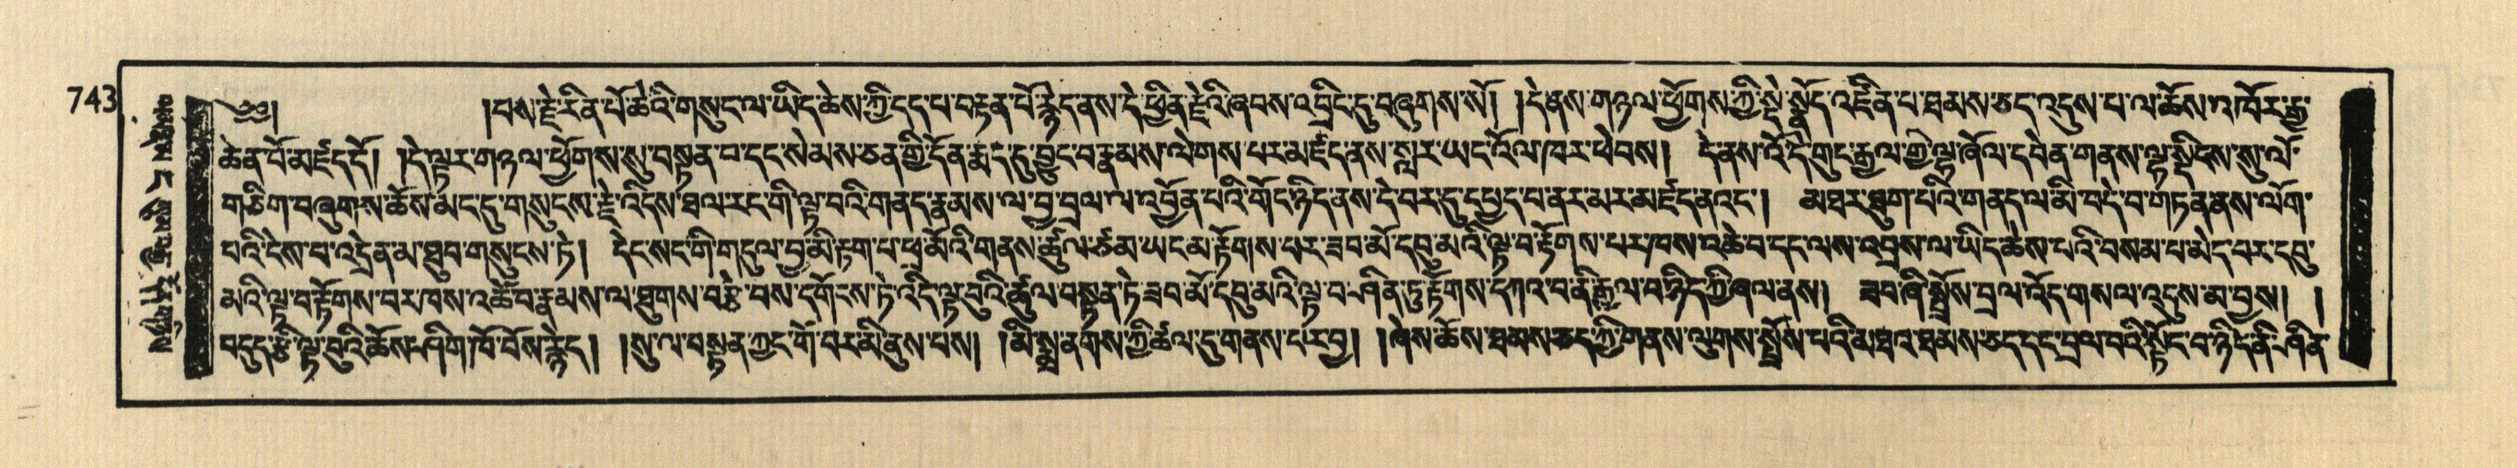༄༅། །པས་རྗེ་རིན་པོ་ཆེའི་གསུང་ལ་ཡིད་ཆེས་ཀྱི་དད་པ་བརྟན་པོ་རྙེད་ནས་དེ་ཕྱིན་རྗེའི་ཞབས་འབྲིང་དུ་བཞུགས་སོ། །དེ་ནས་གཉལ་ཕྱོགས་ཀྱི་སྡེ་སྣོད་འཛིན་པ་ཐམས་ཅད་འདུས་པ་ལ་ཆོས་འཁོར་རྒྱ་
ཆེན་པོ་མཛད་དོ། །དེ་ལྟར་གཉལ་ཕྱོགས་སུ་བསྟན་པ་དང་སེམས་ཅན་གྱི་དོན་རྨད་དུ་བྱུང་བ་རྣམས་ལེགས་པར་མཛད་ནས་སླར་ཡང་འོལ་ཁར་ཕེབས། དེ་ནས་འོ་དེ་གུང་རྒྱལ་གྱི་ལྷ་ཞོལ་དབེན་གནས་ལྷ་སྡིངས་སུ་ལོ་
གཅིག་བཞུགས་ཆོས་མང་དུ་གསུངས་རྗེ་འདིས་ཐལ་རང་གི་ལྟ་བའི་གནད་རྣམས་ལ་བྱ་བྲལ་ལ་འབྱོན་པའི་གོང་ཉིད་ནས་དེ་བར་དུ་དཔྱད་པ་ནར་མར་མཛད་ནའང་། མཐར་ཐུག་པའི་གནད་ལ་མི་བདེ་བ་གཏན་ནས་ལོག་
པའི་ངེས་པ་འདྲེན་མ་ཐུབ་གསུངས་ཏེ། དེང་སང་གི་གདུལ་བྱ་མི་རྟག་པ་ཕྲ་མོའི་གནས་ཚུལ་ཙམ་ཡང་མ་རྟོགས་པར་ཟབ་མོ་དབུ་མའི་ལྟ་བ་རྟོགས་པར་ཁས་འཆེ་པ་དང་ལས་འབྲས་ལ་ཡིད་ཆེས་པའི་བསམ་པ་མེད་པར་དབུ་
མའི་ལྟ་བ་རྟོགས་པར་ཁས་འཚོ་བ་རྣམས་ལ་ཐུགས་བརྩེ་པས་དགོངས་ཏེ་འདི་ལྟ་བུའི་ཚུལ་བསྟན་ཏེ་ཟབ་མོ་དབུ་མའི་ལྟ་བ་ཤིན་ཏུ་རྟོགས་དཀའ་བ་ནི་རྒྱལ་བ་ཉིད་ཀྱི་ཞལ་ནས། ཟབ་ཞི་སྤྲོས་བྲལ་འོད་གསལ་འདུས་མ་བྱས།
བདུད་རྩི་ལྟ་བུའི་ཆོས་ཤིག་ཁོ་བོས་རྙེད། །སུ་ལ་བསྟན་ཀྱང་གོ་བར་མི་ནུས་པས། །མི་སྨྲ་ནགས་ཀྱི་ཚལ་དུ་གནས་པར་བྱ། །ཞེས་ཆོས་ཐམས་ཅད་ཀྱི་གནས་ལུགས་སྤྲོས་པའི་མཐའ་ཐམས་ཅད་དང་བྲལ་བའི་སྟོང་བ་ཉིད་ནི་ཤིན་